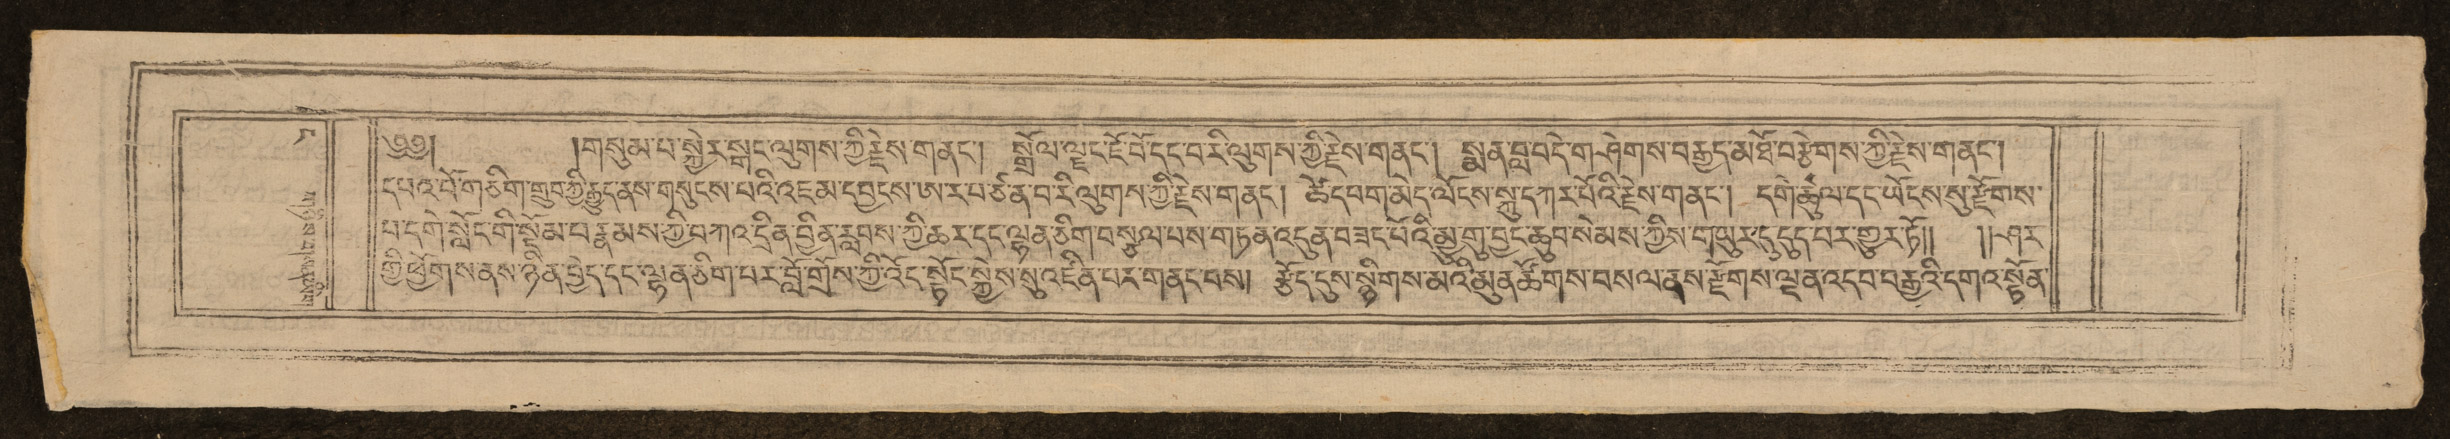༄༅། །གསུམ་པ་སྐྱེར་སྒང་ལུགས་ཀྱི་རྗེས་གནང་། སྒྲོལ་ལྗང་ཇོ་བོ་དང་བ་རི་ལུགས་ཀྱི་རྗེས་གནང་། སྨན་བླ་བདེ་གཤེགས་བརྒྱད་མཐོ་བརྩེགས་ཀྱི་རྗེས་གནང་།
དཔའ་བོ་གཅིག་གྲུབ་ཀྱི་རྒྱུད་ནས་གསུངས་པའི་འཇམ་དབྱངས་ཨ་ར་པ་ཙ་ན་པ་རི་ལུགས་ཀྱི་རྗེས་གནང་། ཚེ་དཔག་མེད་ལོངས་སྐུ་དཀར་པོའི་རྗེས་གནང་། དགེ་ཚུལ་དང་ཡོངས་སུ་རྫོགས་
པ་དགེ་སློང་གི་སྡོམ་པ་རྣམས་ཀྱི་བཀའ་དྲིན་བྱིན་རླབས་ཀྱི་ཆར་དང་ལྷན་ཅིག་བསྩལ་པས་གཏན་འདུན་བཟང་པོའི་མྱུ་གུ་བྱང་ཆུབ་སེམས་ཀྱིས་གཡུར་དུ་དུད་པར་གྱུར་ཏོ།། །།ཤར་
གྱི་ཕྱོགས་ནས་ཉིན་བྱེད་དང་ལྷན་ཅིག་བར་བློ་གྲོས་ཀྱི་འོང་སྟོང་སྐྱེས་སུ་འཛིན་པར་གནང་བས། རྩོད་དུས་སྙིགས་མའི་མུན་ཚོགས་བསལ་ནས་རྫོགས་ལྡན་འདབ་བརྒྱའི་དགའ་སྟོན་